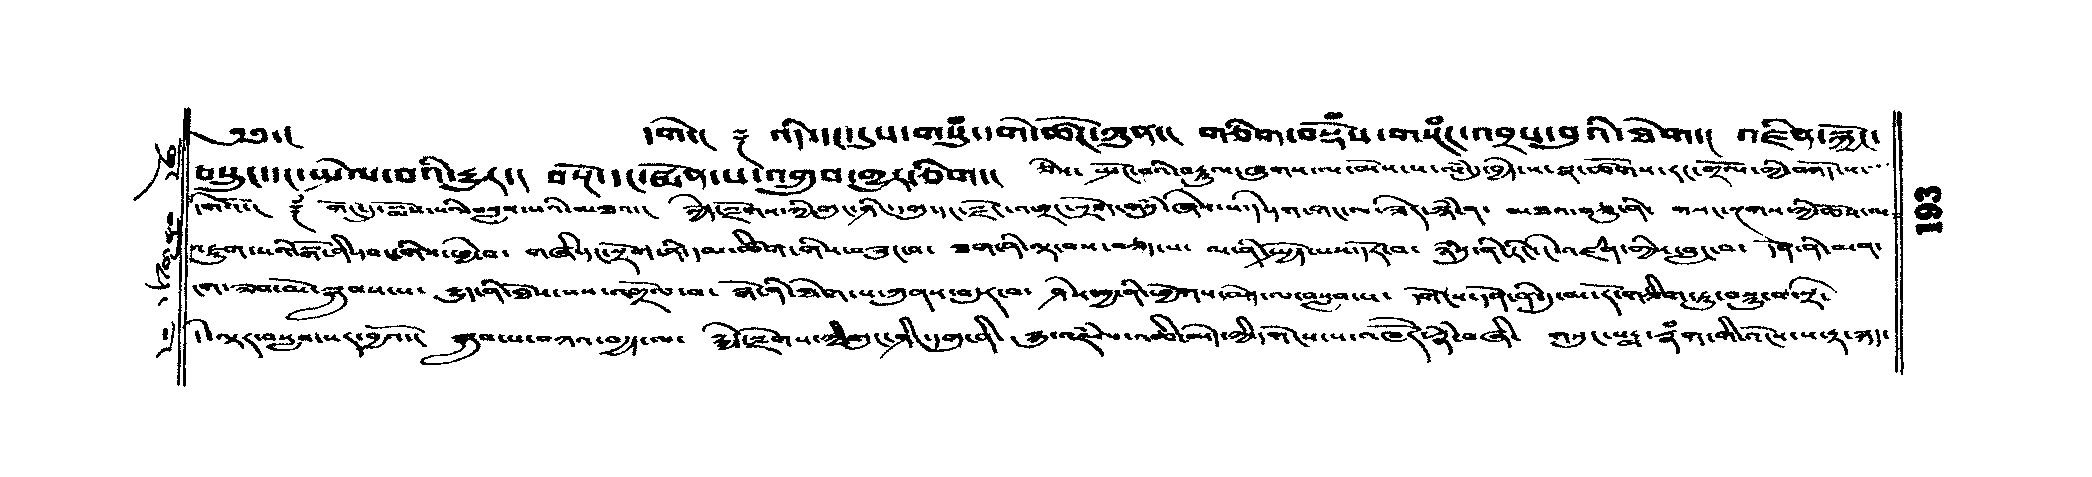དགེ་། ༈ འདི་དང་དུས་གསུམ་དགེ་ཚོགས་ཀུན། །གཅིག་བསྡོམས་གསང་སྔགས་འབྲས་བུའི་ཐེག་འཛིན་སྐྱོང་
བསྲུང་དང་སྤེལ་བའི་རྒྱུར། །བསྔོ་དང་སྨོན་པ་འགྲུབ་གྱུར་ཅིག་ཅེས་སྤོང་བའི་བརྟུལ་ཞུགས་ལ་མོས་པ་ལམ་དུ་བྱེད་པ་སྣ་ཚོགས་རང་གྲོལ་གྱི་བཀོད་པ་
འཇུག་པའི་སྒོ་ནི་དབང་གིས་ཕྱེ་བ། གཞི་དང་སྲོག་ནི་དམ་ཚིག་གིས་བཟུང་བ། ཐག་ནི་ལྟ་བས་བཅད་པ། ལ་ནི་སྤྱོད་པས་དོར་བ། ཉམས་སུ་ནི་ཏིང་འཛིན་གྱིས་བླང་བ། དོན་ནི་མན་
ངག་ཟབ་མོ་སྒྲུབས་པ། རྒྱུད་ནི་ཐོས་པས་གྲོལ་བ། སྒོ་ནི་ཐེག་པ་ཀུན་ནས་འདུར་བ། ཤེས་བྱ་ནི་ཕྱོགས་མེད་ལ་བསླབ་པ། དགོངས་དོན་ནི་དུ་མ་རོ་གཅིག་ཏུ་བསྡུ་བ་སྟེ། 
དེ་ལྟར་བསླབ་པར་བྱའོ། སྒྲུབ་པ་བཀའ་བརྒྱད་ལ། བསྐྱེད་རྫོགས་ཀྱི་དུང་ཤིང་དགུ་ནི། སྐུ་འཇམ་དཔལ་འཆི་མེད་ཀྱི་དགོངས་པ་འཁོར་ལོ་རྣམ་པ་བཞི། གསུང་པདྨ་རྣམ་དག་གི་དགོངས་པ་རྟ་སྐད་